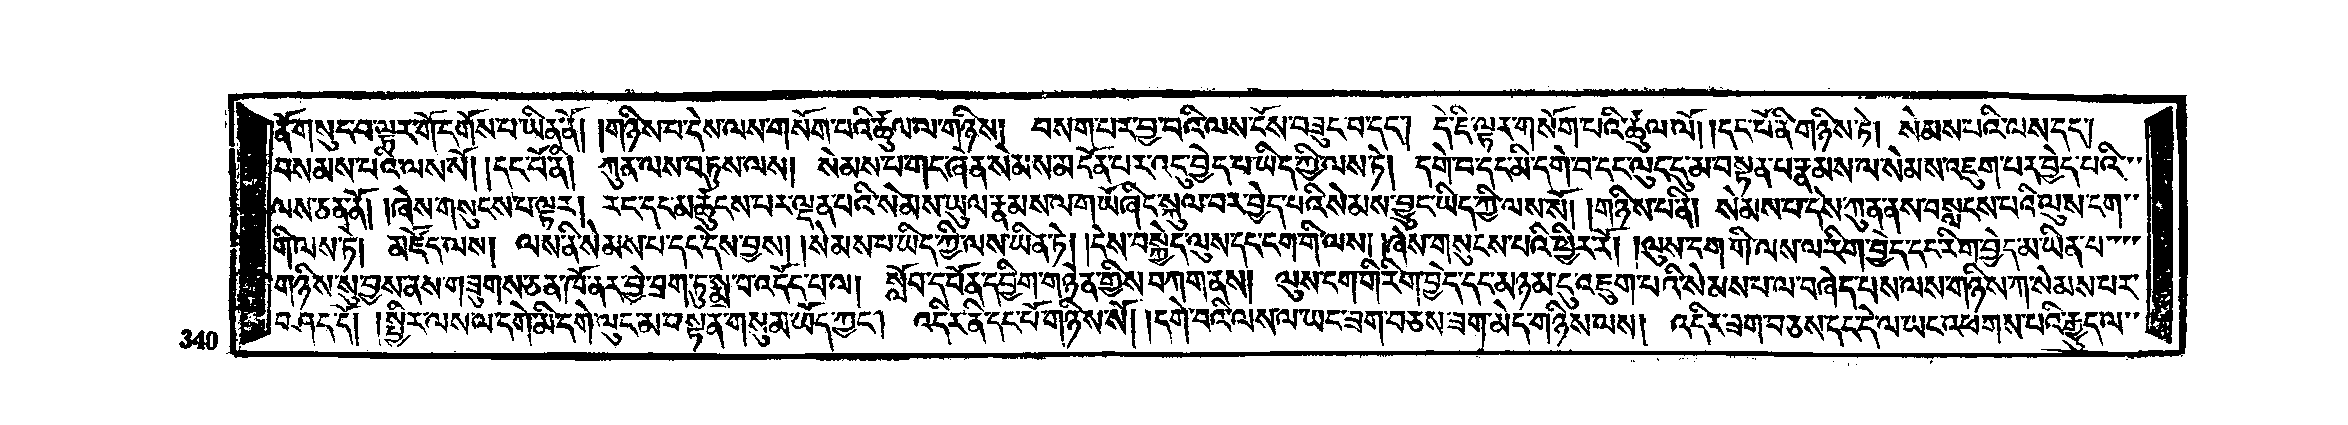ནོ་གསུང་བ་ལྟར་གོ་དགོས་པ་ཡིན་ནོ། །གཉིས་པ་དེས་ལས་གསོག་པའི་ཚུལ་ལ་གཉིས། བསག་པར་བྱ་བའི་ལས་ངོས་བཟུང་བ་དང་། དེ་ཇི་ལྟར་གསོག་པའི་ཚུལ་ལོ། །དང་པོ་ནི་གཉིས་ཏེ། སེམས་པའི་ལས་དང་།
བསམས་པའི་ལས་སོ། །དང་པོ་ནི། ཀུན་ལས་བཏུས་ལས། སེམས་པ་གང་ཞེ་ན་སེམས་མངོན་པར་འདུ་བྱེད་པ་ཡིད་ཀྱི་ལས་ཏེ། དགེ་བ་དང་མི་དགེ་བ་དང་ལུང་དུ་མ་བསྟན་པ་རྣམས་ལ་སེམས་འཇུག་པར་བྱེད་པའི་
ལས་ཅན་ནོ། །ཞེས་གསུངས་པ་ལྟར། རང་དང་མཚུངས་པར་ལྡན་པའི་སེམས་ཡུལ་རྣམས་ལ་གཡོ་ཞིང་སྐུལ་བར་བྱེད་པའི་སེམས་བྱུང་ཡིད་ཀྱི་ལས་སོ། །གཉིས་པ་ནི། སེམས་པ་དེས་ཀུན་ནས་བསླངས་པའི་ལུས་ངག་
གི་ལས་ཏེ། མཛོད་ལས། ལས་ནི་སེམས་པ་དང་དེས་བྱས། །སེམས་པ་ཡིད་ཀྱི་ལས་ཡིན་ཏེ། །དེས་བསྐྱེད་ལུས་དང་ངག་གི་ལས། །ཞེས་གསུངས་པའི་ཕྱིར་རོ། །ལུས་ངག་གི་ལས་ལ་རིག་བྱེད་དང་རིག་བྱེད་མ་ཡིན་པ་
གཉིས་སུ་བྱས་ནས་གཟུགས་ཅན་ཁོ་ནར་བྱེ་བྲག་ཏུ་སྨྲ་བ་འདོད་པ་ལ། སློབ་དཔོན་དབྱིག་གཉེན་གྱིས་བཀག་ནས། ལུས་ངག་གི་རིག་བྱེད་དང་མཉམ་དུ་འཇུག་པའི་སེམས་པ་ལ་བཞེད་པས་ལས་གཉིས་ཀ་སེམས་པར་
བཤད་དོ། །སྤྱིར་ལས་ལ་དགེ་མི་དགེ་ལུང་མ་བསྟན་གསུམ་ཡོད་ཀྱང་། འདིར་ནི་དང་པོ་གཉིས་སོ། །དགེ་བའི་ལས་ལ་ཡང་ཟག་བཅས་ཟག་མེད་གཉིས་ལས། འདིར་ཟག་བཅས་དང་དེ་ལ་ཡང་འཕགས་པའི་རྒྱུད་ལ་